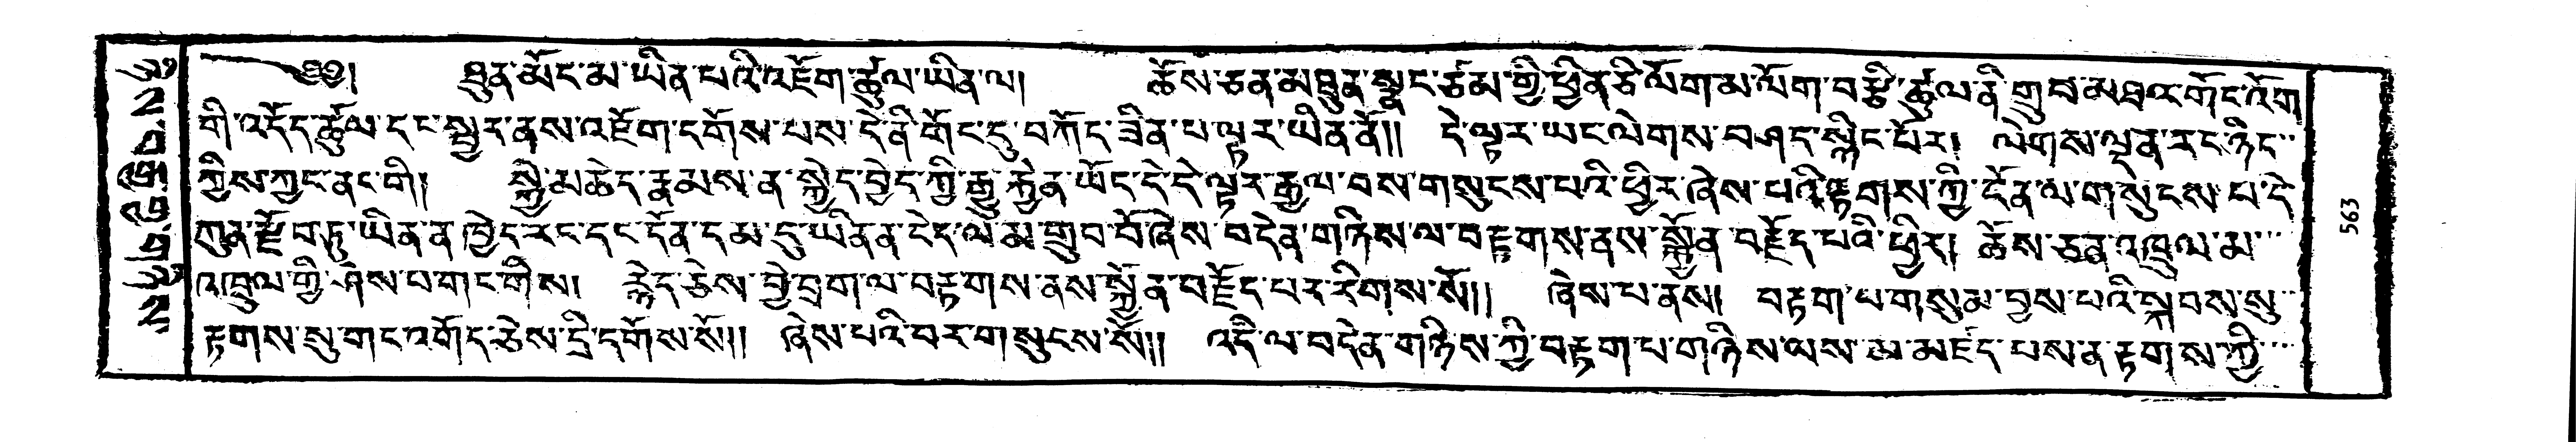༄༅། །ཐུན་མོང་མ་ཡིན་པའི་འཇོག་ཚུལ་ཡིན་ལ། ཆོས་ཅན་མཐུན་སྣང་ཙམ་གྱི་ཕྱིན་ཅི་ལོག་མ་ལོག་བརྩི་ཚུལ་ནི་གྲུབ་མཐའ་གོང་འོག་
གི་འདོད་ཚུལ་དང་སྦྱར་ནས་འཇོག་དགོས་པས་དེ་ནི་གོང་དུ་བཀོད་ཟིན་པ་ལྟར་ཡིན་ནོ། །དེ་ལྟར་ཡང་ལེགས་བཤད་སྙིང་པོར། ལེགས་ལྡན་རང་ཉིད་
ཀྱིས་ཀྱང་ནང་གི། སྐྱེ་མཆེད་རྣམས་ན་སྐྱེད་བྱེད་ཀྱི་རྒྱུ་རྐྱེན་ཡོད་དེ་དེ་ལྟར་རྒྱལ་བས་གསུངས་པའི་ཕྱིར་ཞེས་པའི་རྟགས་ཀྱི་དོན་ལ་གསུངས་པ་དེ་
ཀུན་རྫོབ་ཏུ་ཡིན་ན་ཁྱེད་རང་དང་དོན་དམ་དུ་ཡིན་ན་ངེད་ལ་མ་གྲུབ་བོ་ཞེས་བདེན་གཉིས་ལ་བརྟགས་ནས་སྐྱོན་བརྗོད་པའི་ཕྱིར། ཆོས་ཅན་འཁྲུལ་མ་
འཁྲུལ་གྱི་ཤེས་པ་གང་གིས། རྙེད་ཅེས་བྱེ་བྲག་ལ་བརྟགས་ནས་སྐྱོན་བརྗོད་པར་རིགས་སོ། །ཞེས་པ་ནས། བརྟག་པ་གསུམ་བྱས་པའི་སྐབས་སུ་
རྟགས་སུ་གང་འགོད་ཅེས་དྲི་དགོས་སོ། །ཞེས་པའི་བར་གསུངས་སོ། །འདི་ལ་བདེན་གཉིས་ཀྱི་བརྟག་པ་གཉིས་ལས་མ་མཛད་པས་ན་རྟགས་ཀྱི་